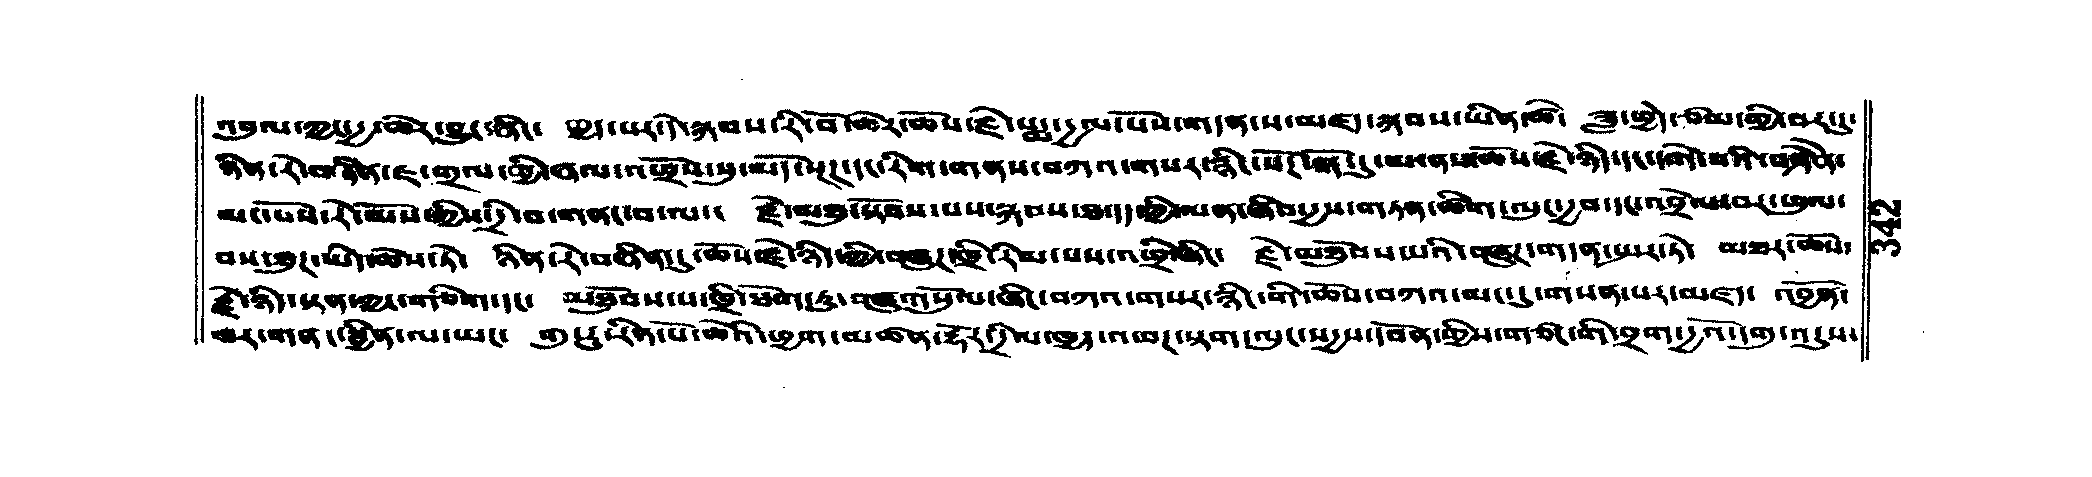འབུལ་ཀྱང་རྒྱ་ཆེར་བྱུང་ཞིང་། ཁྱད་པར་དེ་སྐབས་རི་བོ་ཆེར་ཆོས་རྗེ་པདྨ་རྒྱལ་པོས་གདན་ས་མཛད་སྐབས་ཡིན་ཚེ། ཟླ་ཕྱེད་ཙམ་གྱི་བར་དུ་
ཉིན་རེ་བཞིན་ཇ་གྲལ་གྱི་ཞལ་འཕྲོས་སུ་མདོ་སྔགས་དང་རིག་གནས་བཀའ་གསར་སྙིང་སོགས་སྒོ་དུ་མ་ནས་ཆོས་རྗེ་ཉིད་དང་དགེ་བའི་བཤེས་གཉེན་
མང་པོས་རེ་མོས་ཀྱིས་དྲི་བ་གནང་བ་ལ། རྗེ་མཐུ་སྟོབས་པས་སྐབས་ཐ་དད་ཀྱི་ལན་ཞིབ་རྒྱས་གཏན་ཚིགས་ལུང་རྒྱབ་དང་འབྲེལ་བར་ཕུལ་
བས་ཐུགས་ཡིད་ཆེས་ཏེ། ཉིན་རེ་བཞིན་དུ་ཆོས་རྗེ་ཉིད་ཀྱི་བཞུགས་ཁྲི་རིམ་པས་འཕྲི་ཞིང་། རྗེ་མཐུ་སྟོབས་པའི་བཞུགས་གདན་སྤར་ཏེ། མཐར་ཆོས་
རྗེ་ཉིད་སྟན་ཀྱང་གཅིག་དང་། མཐུ་སྟོབས་པ་ཁྲི་ཐོག་ཏུ་བཞུགས་སུ་གསོལ་ཞིང་བཀའ་གསར་སྙིང་གི་ཆོས་བཀའ་མང་དུ་གསན་པར་མཛད། འབྱོན་
བར་གནང་སྦྱིན་ལ་ཡང་། གུ་རུ་རིན་པོ་ཆེའི་ཕྱག་མཚན་རྡོར་དྲིལ་ཁྱད་འཕགས་སྟག་ལུང་སངས་རྒྱས་དབོན་གྱིས་གཙང་གི་བྲག་རྒྱའོ་དགུ་འདུས་